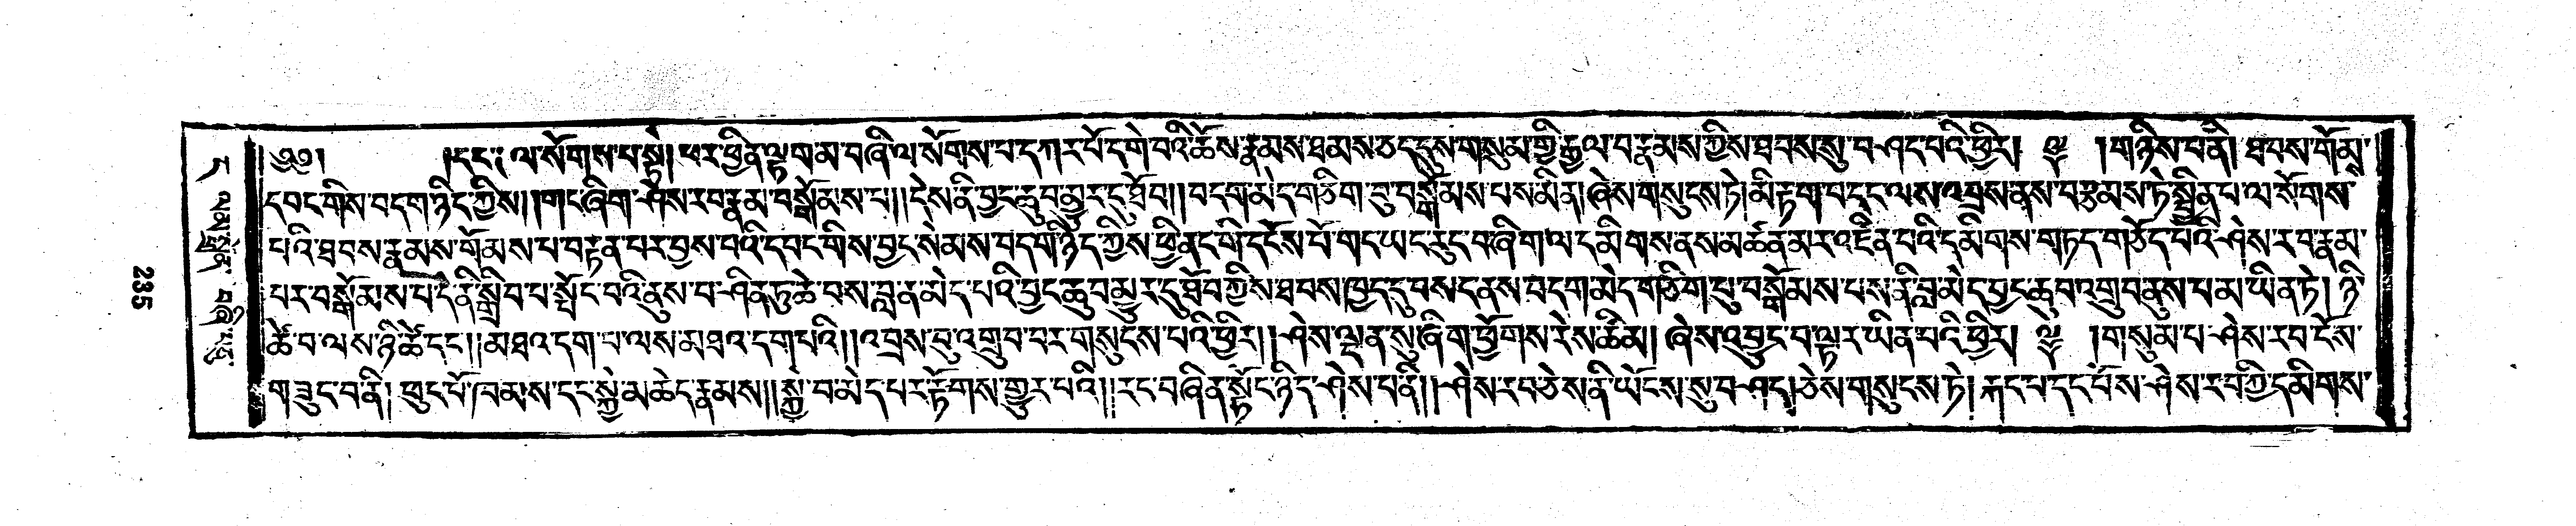༄༅། །དང་། ལ་སོགས་པ་སྟེ། ཕར་ཕྱིན་ལྷག་མ་བཞི་ལ་སོགས་པ་དཀར་པོ་དགེ་བའི་ཆོས་རྣམས་ཐམས་ཅད་དུས་གསུམ་གྱི་རྒྱལ་བ་རྣམས་ཀྱིས་ཐབས་སུ་བཤད་པའི་ཕྱིར། ༈ །གཉིས་པ་ནི། ཐབས་གོམས་
དབང་གིས་བདག་ཉིད་ཀྱིས། །གང་ཞིག་ཤེས་རབ་རྣམ་བསྒོམས་པ། །དེས་ནི་བྱང་ཆུབ་མྱུར་དུ་ཐོབ། །བདག་མེད་གཅིག་པུ་བསྒོམས་པས་མིན། ཞེས་གསུངས་ཏེ། མི་རྟག་པ་དང་ལས་འབྲས་ནས་བརྩམས་ཏེ་སྦྱིན་པ་ལ་སོགས་
པའི་ཐབས་རྣམས་གོམས་པ་བརྟན་པར་བྱས་པའི་དབང་གིས་བྱང་སེམས་བདག་ཉིད་ཀྱིས་ཕྱི་ནང་གི་དངོས་པོ་གང་ཡང་རུང་བ་ཞིག་ལ་དམིགས་ནས་མཚན་མར་འཛིན་པའི་དམིགས་གཏད་གཅོད་པའི་ཤེས་རབ་རྣམ་
པར་བསྒོམས་པ་དེ་ནི་སྒྲིབ་པ་སྤོང་བའི་ནུས་པ་ཤིན་ཏུ་ཆེ་བས་བླ་ན་མེད་པའི་བྱང་ཆུབ་མྱུར་དུ་ཐོབ་ཀྱིས་ཐབས་ཁྱད་དུ་བསད་ནས་བདག་མེད་གཅིག་པུ་བསྒོམས་པས་ནི་བླ་མེད་བྱང་ཆུབ་འགྲུབ་ནུས་པ་མ་ཡིན་ཏེ། ཉི་
ཚེ་བ་ལས་ཉི་ཚེ་དང་། །མཐའ་དག་བ་ལས་མཐའ་དག་པའི། །འབྲས་བུ་འགྲུབ་པར་གསུངས་པའི་ཕྱིར། །ཤེས་ལྡན་སུ་ཞིག་ཕྱོགས་རེས་ཚིམ། ཞེས་འབྱུང་བ་ལྟར་ཡིན་པའི་ཕྱིར། ༈ །གསུམ་པ་ཤེས་རབ་ངོས་
གཟུང་བ་ནི། ཕུང་པོ་ཁམས་དང་སྐྱེ་མཆེད་རྣམས། །སྐྱེ་བ་མེད་པར་རྟོགས་གྱུར་པའི། །རང་བཞིན་སྟོང་ཉིད་ཤེས་པ་ནི། །ཤེས་རབ་ཅེས་ནི་ཡོངས་སུ་བཤད། ཅེས་གསུངས་ཏེ། རྐང་པ་དང་པོས་ཤེས་རབ་ཀྱི་དམིགས་